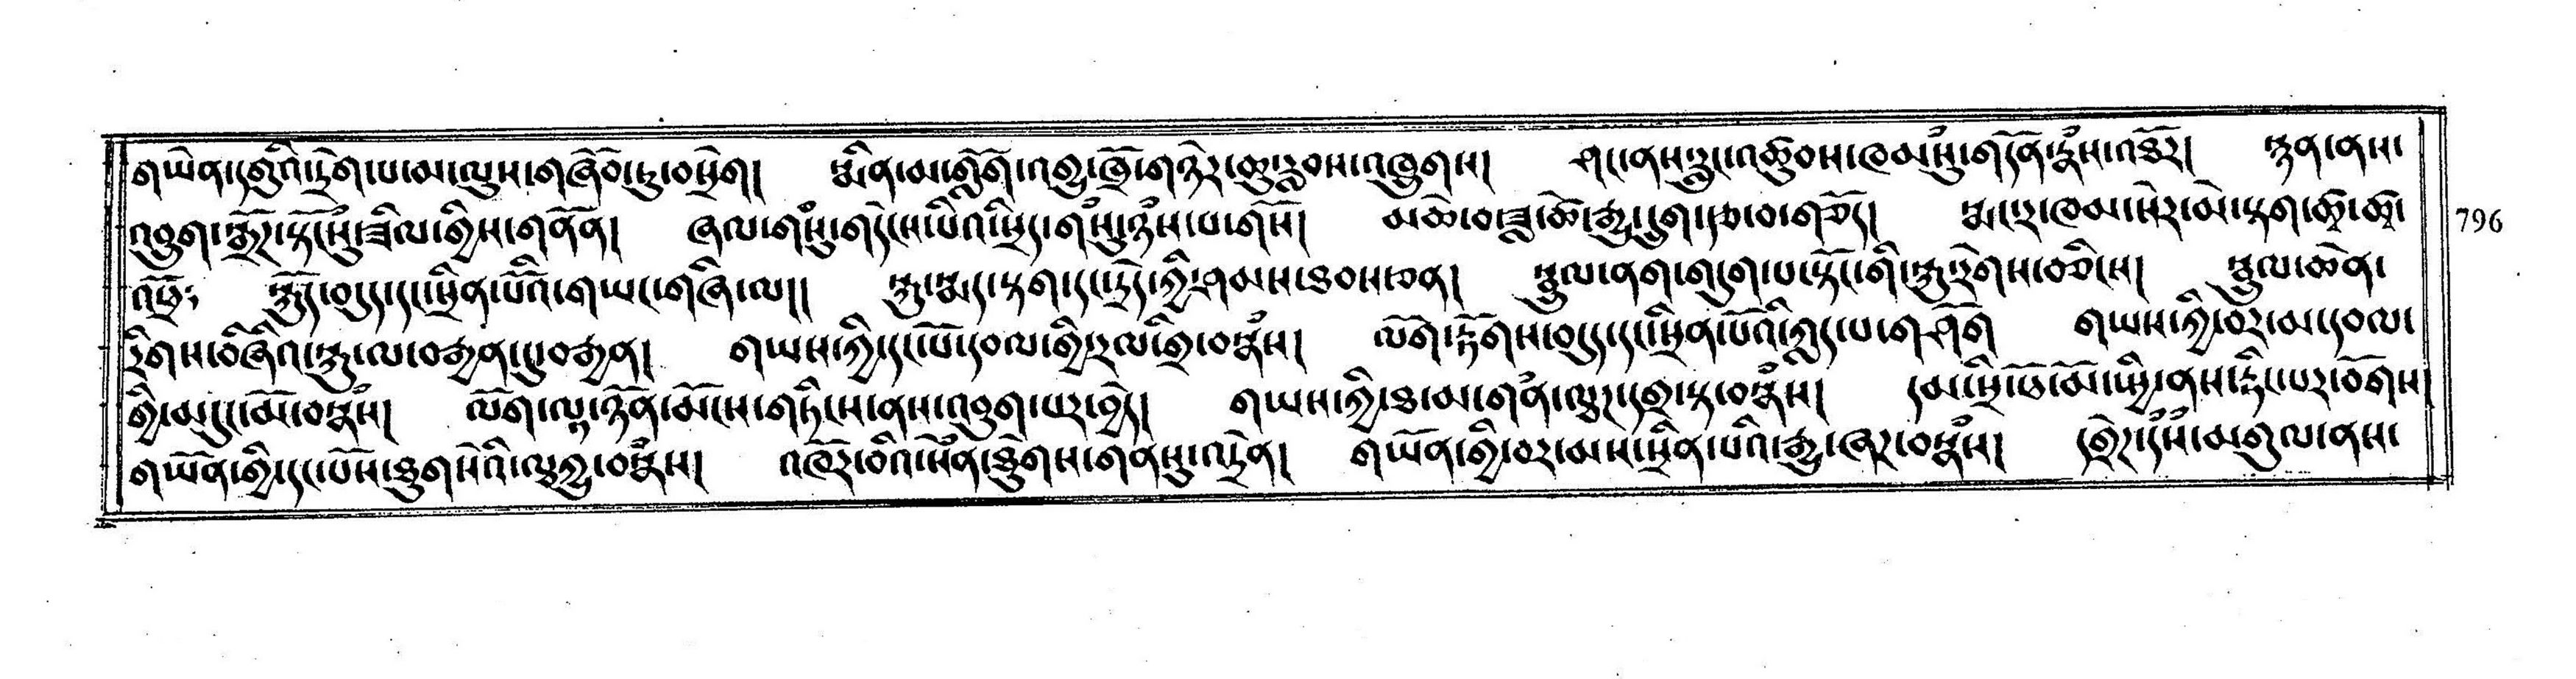གཡེན་དགུའི་དྲེགས་པ་མ་ལུས་གཞོབ་ཏུ་བསྲེག སྨིན་མ་གློག་འགྱུ་ཁྲོ་གཉེར་ཆུ་རླབས་འཁྲུགས། ཤང་ནས་རླུང་འཚུབས་ཁམས་གསུམ་གདོན་རྣམས་འཐོར། སྙན་ནས་
འབྲུག་སྒྲོགས་སྟོངས་གསུམ་ཟིལ་གྱིས་གནོན། ཞལ་གསུམ་གདེངས་པའི་སྲིད་གསུམ་ཉམས་པ་གསོ། མཆེ་བ་ཟླ་ཚེ་རྒྱུ་དྲུག་རྩ་བ་གཅོད། སྨང་ར་ཁམ་སེར་མེ་སྟག་ཚྭ་ཚྭ་
འཕྲོ། སྐུ་སྟོད་བདུད་དང་སྲིན་པོའི་གཡང་གཞི་ལ།། སྐུ་སྨད་སྟག་དང་དྲེད་ཀྱི་ཤམས་ཐབས་ཅན། སྦྲུལ་ནག་གདུག་པ་སྟོང་གི་སྐུ་རེགས་བཅིངས། སྦྲུལ་ཆེན་
རིགས་བཞིའི་སྐུ་ལ་བརྒྱན་དུ་བརྒྱན། གཡས་ཀྱི་དང་པོ་དབལ་གྱི་རལ་གྲི་བསྣམས། ལོག་རྟོགས་བདུད་དང་སྲིན་པོའི་ཀླད་པ་གཤོག གཡས་ཀྱི་བར་མ་དབལ་
གྱི་མདུང་མོ་བསྣམས། ལོག་ལྟ་ཉོན་མོངས་གཏིངས་ནས་འབུག་པར་བྱེད། གཡས་ཀྱི་ཐ་མ་གནམ་ལྕགས་དགྲ་སྟ་བསྣམས། དམ་སྲི་ཕོ་མོ་སྤྱི་ནས་རྟིང་པར་བོགས། 
གཡོན་གྱི་དང་པོས་ཐུགས་རྗེའི་ལྕག་ཀྱུ་བསྣམས། འཁོར་བའི་སེམས་ཅན་ཐུགས་རྗེ་གནས་སུ་འདྲེན། གཡོན་གྱི་བར་མས་སྲིན་པོའི་རྒྱུ་ཞགས་བསྣམས། དགྲ་བགེགས་དམ་ཉམས་མགུལ་ནས་